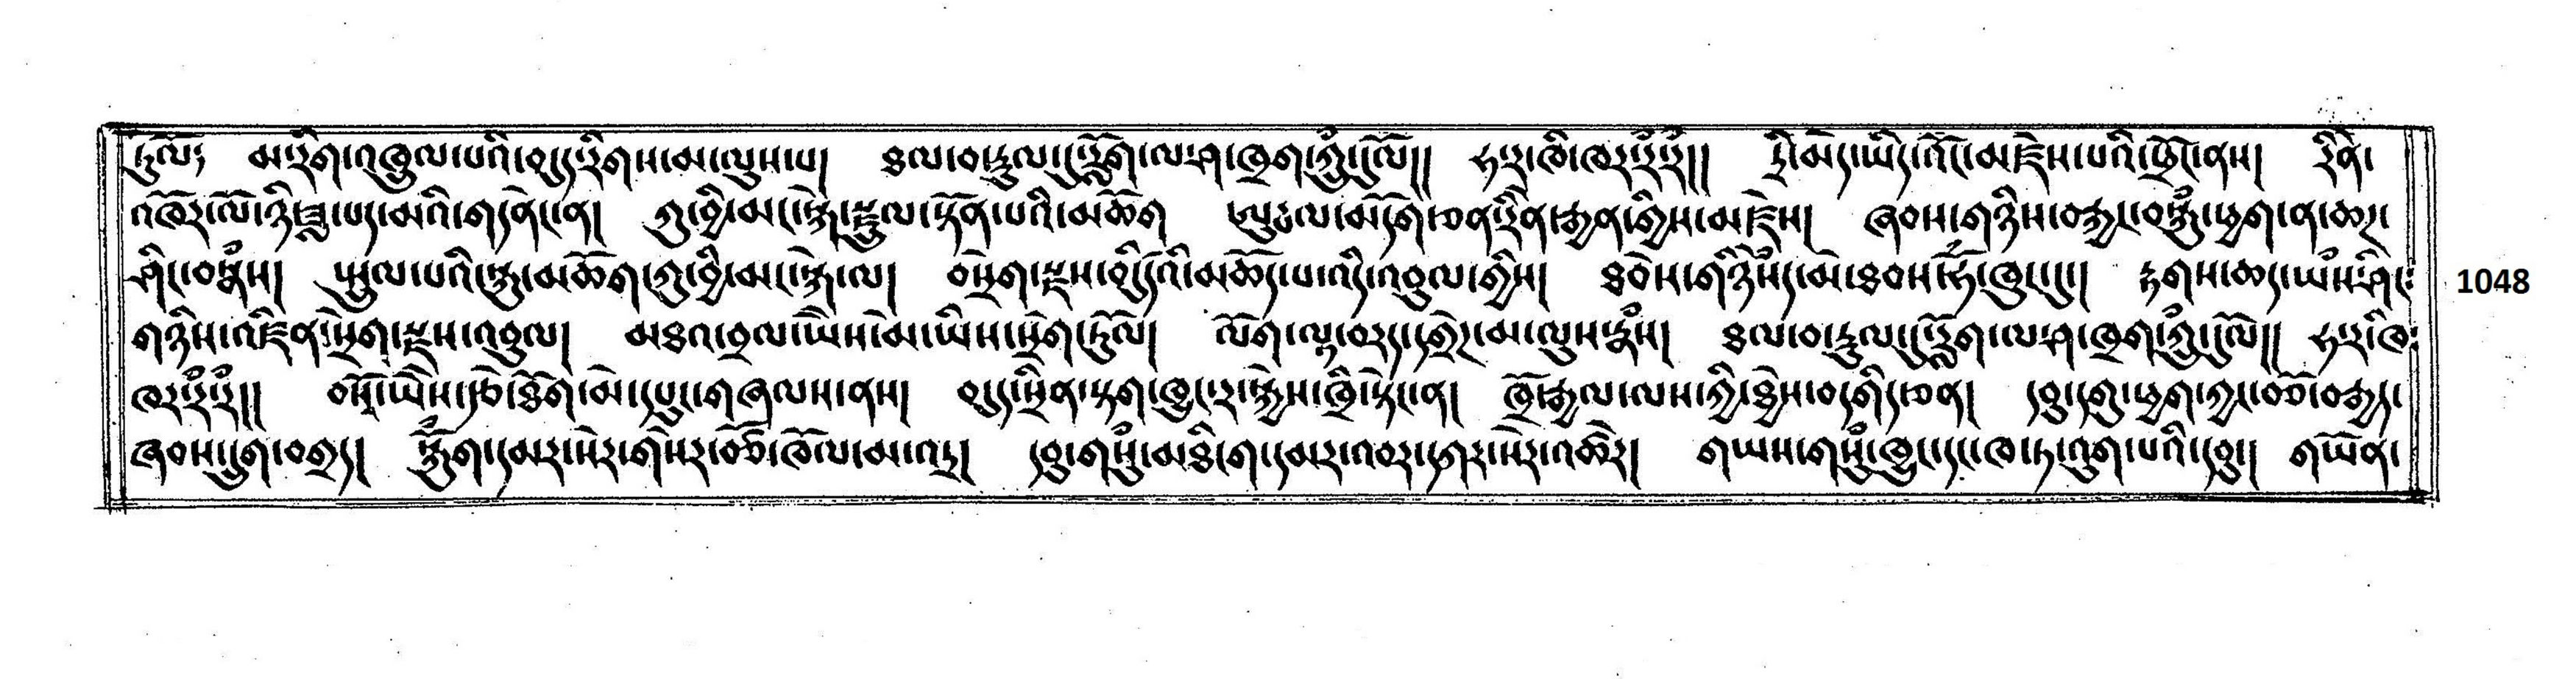ཏུ་གསོལ། མ་རིག་འཁྲུལ་པའི་བདུད་རིགས་མ་ལུས་པ། ཐལ་བ་རྡུལ་དུ་རློག་ལ་ཤ་ཁྲག་ཀྲུམ་དུ་གསོལ། ཧ་ར་ཁི་ཁར་རཾ་རཾ།། དྲི་མེད་ཡིད་འོང་མཛེས་པའི་ཕོ་བྲང་ནས། རིན་ཆེན་
འཁོར་ལོ་ཉི་ཟླ་པད་མའི་གདན་སྟེང་ན། ཀུ་བྱི་མང་སྐེ་རྫུ་འཕྲུལ་སྟོན་པའི་མཆོག ཨུཏྤལ་མདོག་ཅན་རིན་ཆེན་རྒྱན་གྱིས་མཛེས། ཞབས་གཉིས་བརྐྱང་བསྐུམ་ཕྱག་ན་ཆགས་
ཤིང་བསྣམས། སྤྲུལ་པའི་སྐུ་མཆོག་ཀུ་བྱི་མང་སྐེ་ལ། བསྲེག་རྫས་བདུད་རྩིའི་མཆོད་པ་འདི་འབུལ་གྱིས། ཐབས་ཤེས་གཉིས་མེད་མེ་ཐབས་ཧོམ་ཁུང་དུ། རྟགས་ཆད་ཡམས་ཤིང་
གཉིས་འཛིན་སྲེག་རྫས་འབུལ། མཐའ་བྲལ་ཡེ་ཤེས་མེ་ཡིས་སྲེག་ཏུ་གསོལ། ལོག་ལྟ་བར་ཆད་དགྲ་བགེགས་མ་ལུས་རྣམས། ཐལ་བ་རྡུལ་དུ་རློག་ལ་ཤ་ཁྲག་ཀྲུམ་དུ་གསོལ།། ཧ་ར་ཁི་
ཁར་རཾ་རཾ།། བསྭོ་ཡེ་ཤེས་རྩེ་ཐོག་མེ་དཔུང་གཞལ་ཡས་ནས། བདུད་སྲིན་སྟག་ཁྱུང་ར་སྐྱེས་ཁྲི་སྟེང་ན། ཁྲོ་རྒྱལ་ལས་ཀྱི་ཐུགས་རྗེས་བདག་ཉིད་ཅན། དབུ་དགུ་ཕྱག་ཀྱང་བཅོ་བརྒྱད་
ཞབས་དྲུག་བགྲད། སྐུ་མདོག་དམར་སེར་གསེར་བཙོ་ཁོལ་མ་འདྲ། དབུ་གསུམ་མཐིང་ནག་དམར་འབར་དཀར་སེར་འཚེར། གཡས་གསུམ་ཁྱུང་དང་ཁ་ཏ་འུག་པའི་དབུ། གཡོན་